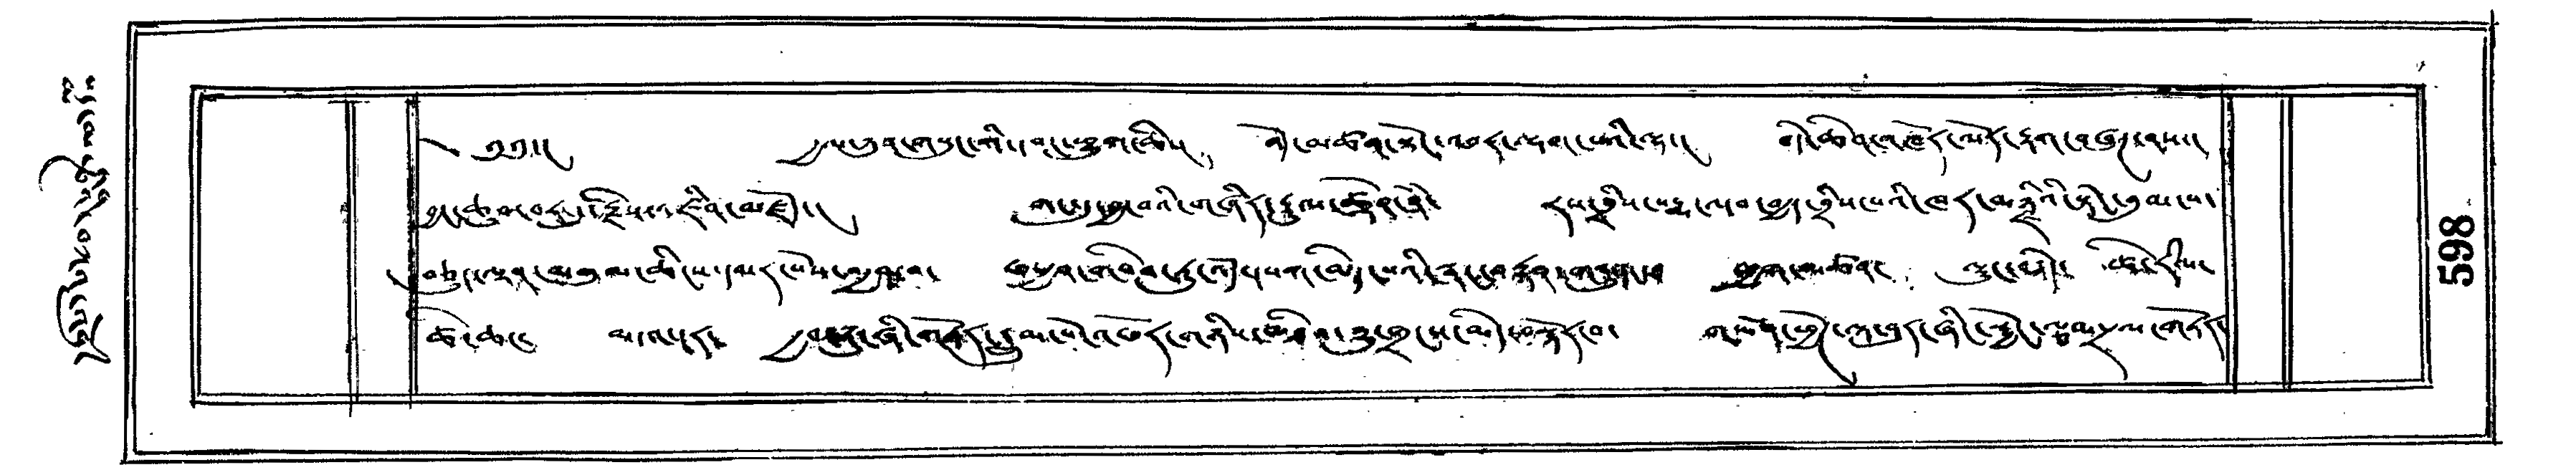རྒྱལ་ཀུན་གསུང་གི་དབང་ཕྱུག་ཆེ། །འོད་མཚན་སྟོང་འབར་ལྷག་པའི་ལྷ། །བདེ་ཆེན་འཁོར་ལོར་རྟག་བཞུགས་ནས། །
བྱང་ཆུབ་བར་དུ་རྗེས་འཛིན་མཛོད། གང་དུ་བྱ་བའི་གཞིར་རྒྱུ་རྡུལ་ཚོན་ནམ་རས་བྲིས་ཀྱི་པདྨ་འདབ་བརྒྱད་ཁར་མཉྫིའི་སྟེང་བུམ་པ་
བཅུད་ལྡན་མགུལ་ཆིངས་དམར་པོས་བརྒྱན་པ། ཁ་རྒྱན་གསེབ་ཏུ་འོད་དཔག་མེད་པའི་སྣང་བརྙན་གཟུགས། ཕྱག་མཚན་ལྷུང་བཟེད། ཚེ་རིལ། 
ཚེ་ཆང་། མདའ་དར། རྒྱབ་ཏུ་ཞི་གཏོར་ཟླུམ་པོ་འཁོར་གཉིས་མཐེབ་སྐྱུ་གྲངས་མེད་ཀྱིས་བསྐོར་བ། གཡོན་ཕྱོགས་ལྟ་བུར་ཞིང་སྐྱོང་ལྕམ་དྲལ་གཏོར་